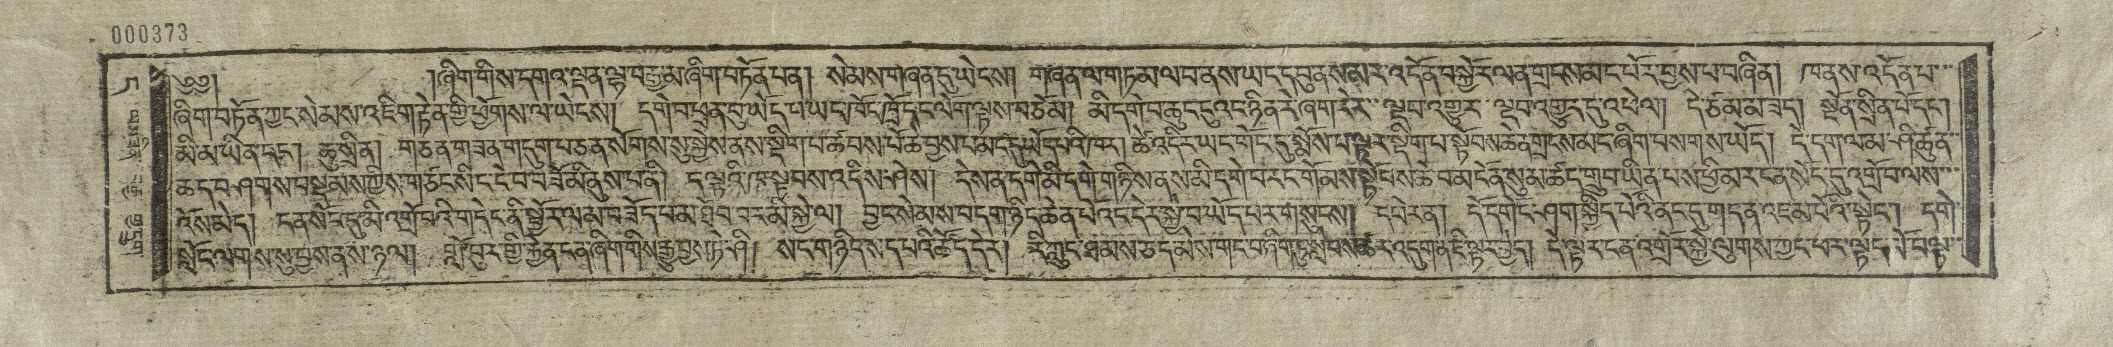༄༅། །ཞིག་གིས་དགའ་ལྡན་ལྷ་བརྒྱ་མ་ཞིག་བཏོན་པ་ན། སེམས་གཞན་དུ་ཡེངས། གཞན་ལ་གཏམ་ལབ་ནས་ཡང་དབུ་ནས་མར་འདོན་བསྐྱོར་ལན་གྲངས་མང་པོར་བྱས་པ་བཞིན། ཁ་ནས་འདོན་པ་
ཞིག་བཏོན་ཀྱང་སེམས་འཇིག་རྟེན་གྱི་ཕྱོགས་ལ་ཡེངས། དགེ་བ་ཕྲན་བུ་ཡོད་པ་ཡང་ཁོང་ཁྲོ་དང་ལོག་ལྟས་བཅོམ། མི་དགེ་བ་ཆུང་ངུའང་ཉིན་རེ་ཞག་རེར་ལྡབ་འགྱུར་ལྡབ་འགྱུར་དུ་འཕེལ། དེ་ཙམ་མ་ཟད། སྔོན་སྲིན་པོ་དང་།
མི་མ་ཡིན་དང་། ཆུ་སྲིན། གཅན་གཟན་གདུག་པ་ཅན་སོགས་སུ་སྐྱེས་ནས་སྡིག་པ་ཚབས་པོ་ཆེ་བྱས་པ་མང་དུ་ཡོད་པའི་ཁར། ཚེ་འདིར་ཡང་གོང་དུ་སྨོས་པ་ལྟར་སྡིག་པ་སྟོབས་ཆེན་གྲངས་མང་ཞིག་བསགས་ཡོད། དེ་དག་ལ་མ་ཤི་ཚུན་
ཆད་བཤགས་བསྡམས་ཀྱིས་གཙང་སིང་ངེ་བ་བཟོ་མི་ནུས་པ་ནི། ད་ལྟའི་ཁ་སྟབས་འདིས་ཤེས། དེས་ན་དགེ་མི་དགེ་གཉིས་ནས་མི་དགེ་བ་རང་གོམས་སྟོབས་ཆེ་བ་མངོན་སུམ་ཚད་གྲུབ་ཡིན་པས་ཕྱི་མར་ངན་སོང་དུ་འགྲོ་བ་ལས་
འོས་མེད། ངན་སོང་དུ་མི་འགྲོ་བའི་གདེང་ནི་སྦྱོར་ལམ་བཟོད་པ་མ་ཐོབ་པར་མི་སྐྱེ་ལ། བྱང་སེམས་བདག་ཉིད་ཆེན་པོའང་དེར་སྐྱེ་བ་ཡོད་པར་གསུངས། དཔེར་ན། དོ་དགོང་ཤག་སྐྱིད་པོའི་ནང་དུ་གདན་འཇམ་པོའི་སྟེང་། དགེ་
སློང་ལགས་སུ་བྱས་ནས་ཉལ། གློ་བུར་གྱི་རྐྱེན་ངན་ཞིག་གིས་རྒྱུ་བྱས་ཏེ་ཤི། སང་གཉིད་སད་པའི་ཚོད་དེར། རི་ཀླུང་ཐམས་ཅད་མེས་གང་བ་ཞིག་ཏུ་སླེབས་ཚར་འདུག་ན་ཇི་ལྟར་བྱེད། དེ་ལྟར་ངན་འགྲོར་སྐྱེ་ལུགས་ཀྱང་ཕར་ལྟད་མོ་བལྟ་